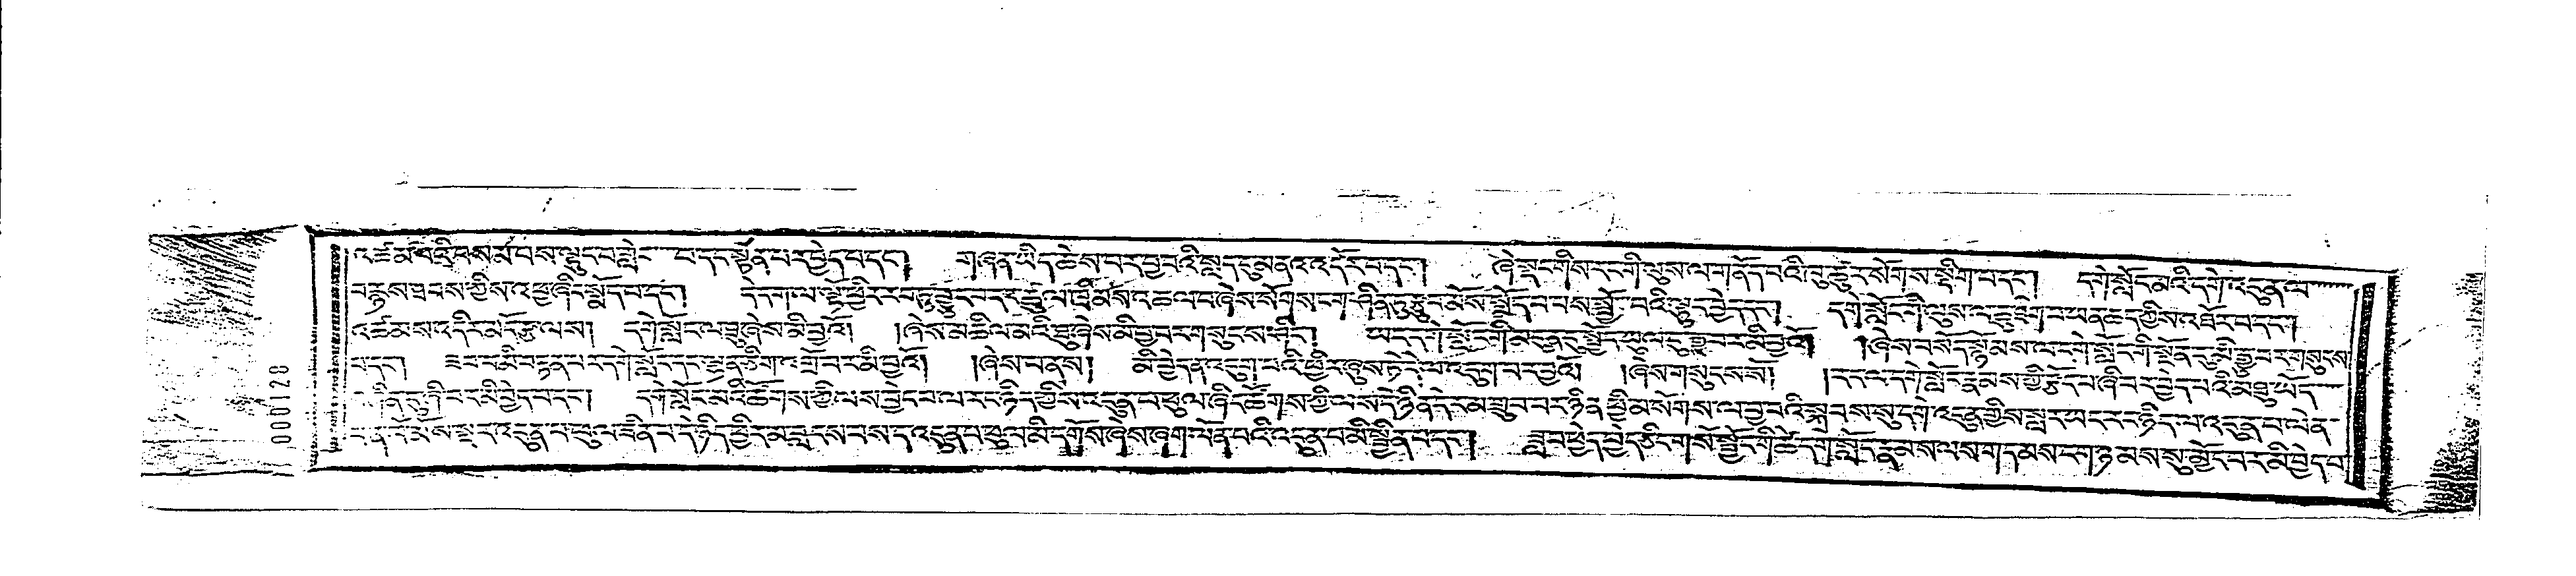འཚམ་བོའི་བསམ་པས་ལྟུང་བ་གླེང་པ་དང་སྟོན་པར་བྱེད་པ་དང་། གཞན་ཡིད་ཆེས་པར་བྱ་བའི་སླད་དུ་མནའ་འདོར་བ་དང་། ཞེ་སྡང་གིས་རང་གི་ལུས་ལ་གནོད་པའི་ཁུ་ཚུར་སོགས་སྡིག་པ་དང་། དགེ་སློང་མའི་དགེ་འདུན་ལ་
བརྙས་ཐབས་ཀྱིས་འཕྱ་ཞིང་སྨོད་པ་དང་། དེ་དག་ལ་ལྟོ་ཕྱིར་རབ་ཏུ་བྱུང་བ་དང་ཚུལ་ཁྲིམས་འཆལ་བ་ཞེས་སོགས་ངག་ཤིན་ཏུ་རྩུབ་མོས་སྨོད་པ་པས་སྦྱོར་བའི་ལྟུང་བྱེད་དང་། དགེ་སློང་གི་ལུས་ལ་ཆུ་ཐིག་པ་ཡན་ཆད་ཀྱིས་འཐོར་བ་དང་།
འཚམས་འདིར་མོད་རྩ་ལས། དགེ་སློང་ལ་ཐུ་ཞེས་མི་བྱའོ། །ཞེས་མཆིལ་མའི་ཐུ་ཞེས་མི་བྱ་བར་གསུངས་ཤིང་། ཡང་དགེ་སློང་གི་མདུན་དུ་སྤྱོད་ཡུལ་དུ་རྒྱུ་བར་མི་བྱའོ། །ཞེས་བསོད་སྙོམས་ལ་དགེ་སློང་གི་སྔོན་དུ་མི་རྒྱུ་བར་གསུངས་
པ་དང་། ཟབ་པ་མི་བརྟན་པར་དགེ་སློང་དང་ལྷན་ཅིག་འགྲོ་བར་མི་བྱའོ། །ཞེས་པ་ནས། མི་བྱེད་ན་འདུག་པའི་ཕྱིར་ཞུས་ཏེ་དེ་ལ་འདུག་པར་བྱའོ། །ཞེས་གསུངས་སོ། །རང་ལ་དགེ་སློང་རྣམས་ཀྱི་རྩོད་པ་ཞི་བར་བྱེད་པའི་མཐུ་ཡོད་
བཤིན་དུ་ཞི་བར་མི་བྱེད་པ་དང་། དགེ་སློང་མའི་ཚོགས་ཀྱི་ལས་བྱེད་པ་ལ་རང་ཉིད་ཀྱིས་འདུན་པ་ཕུལ་ཞིང་ཚོགས་ཀྱི་ལས་དེ་ཉིན་དེར་མ་གྲུབ་པར་ཉིན་ཕྱི་མ་སོགས་ལ་བྱ་བའི་སྐབས་སུ་དགེ་འདུན་གྱིས་སླར་ཡང་རང་ཉིད་ལ་འདུན་པ་ལེན་
པ་ན་ཁོ་མོས་སྔར་འདུན་པ་ཕུལ་ཟིན་པ་དེ་ཉིད་ཕྱིར་མ་བླངས་པས་ད་འདུན་པ་ཕུལ་མི་དགོས་ཞེས་ཞག་ལོན་པའི་འདུན་པ་མི་སྦྱིན་པ་དང་། ཟླ་བ་ཕྱེད་བྱེད་ཅིང་གསོ་སྦྱོང་གི་ཚེ་དགེ་སློང་རྣམས་ལས་གདམས་ངག་ཉམས་སུ་མྱོང་བར་མི་བྱེད་པ་